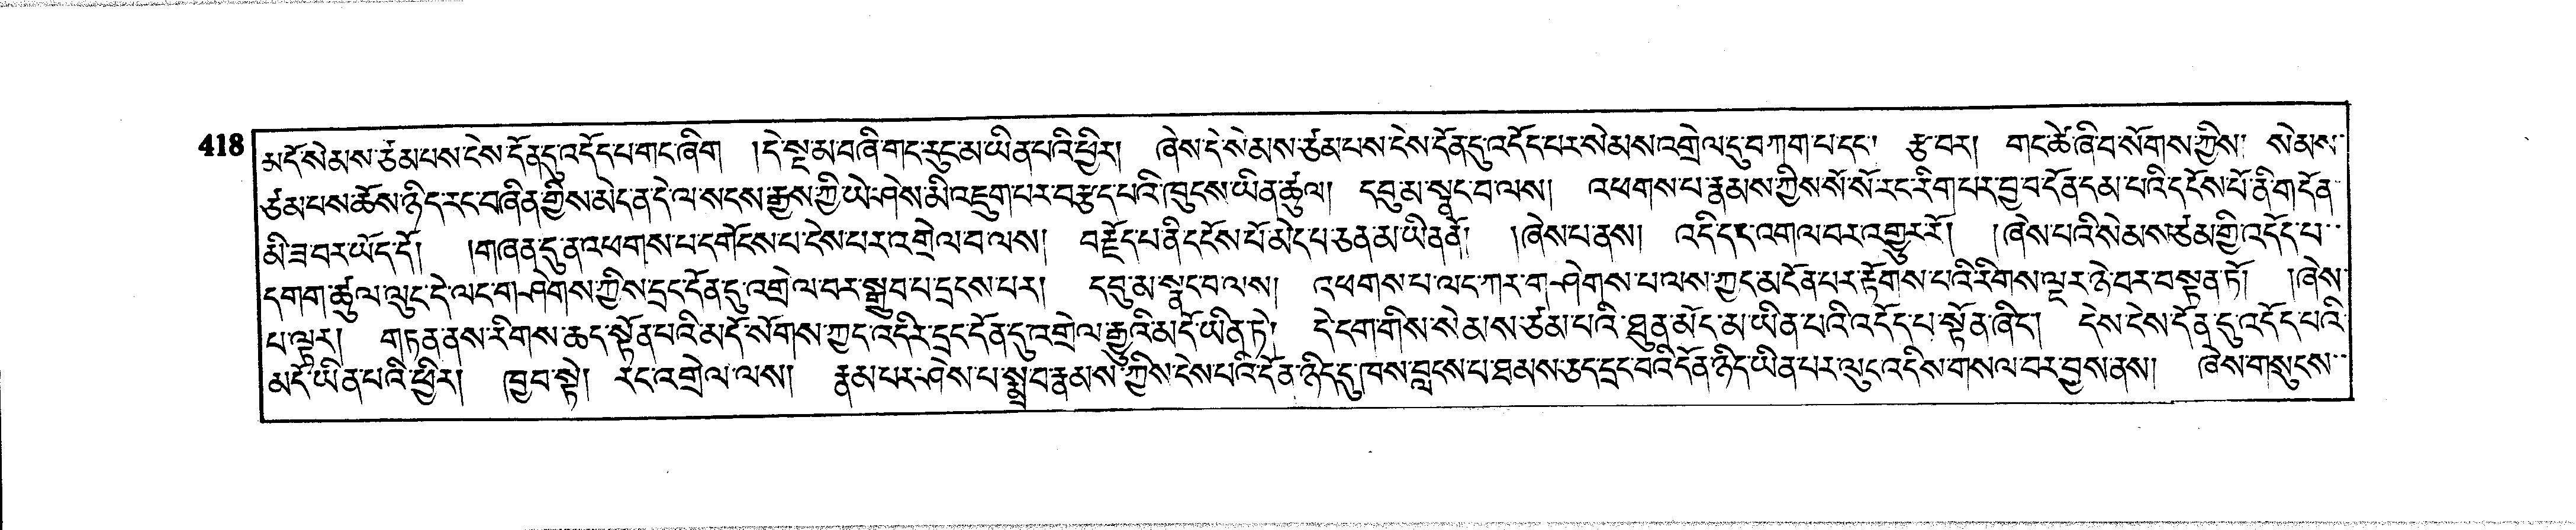མདོ་སེམས་ཙམ་པས་ངེས་དོན་དུ་འདོད་པ་གང་ཞིག །དེ་སྔ་མ་བཞི་གང་རུང་མ་ཡིན་པའི་ཕྱིར། ཞེས་དེ་སེམས་ཙམ་པས་ངེས་དོན་དུ་འདོད་པར་སེམས་འགྲེལ་དུ་བཀག་པ་དང་། རྩ་བར། གང་ཚེ་ཞི་བ་སོགས་ཀྱིས། སེམས་
ཙམ་པས་ཆོས་ཉིད་རང་བཞིན་གྱིས་མེད་ན་དེ་ལ་སངས་རྒྱས་ཀྱི་ཡེ་ཤེས་མི་འཇུག་པར་བརྩད་པའི་ཁུངས་ཡིན་ཚུལ། དབུ་མ་སྣང་བ་ལས། འཕགས་པ་རྣམས་ཀྱིས་སོ་སོ་རང་རིག་པར་བྱ་བ་དོན་དམ་པའི་དངོས་པོ་ནི་གདོན་
མི་ཟ་བར་ཡོད་དོ། །གཞན་དུ་ན་འཕགས་པ་དགོངས་པ་ངེས་པར་འགྲེལ་བ་ལས། བརྗོད་པ་ནི་དངོས་པོ་མེད་པ་ཅན་མ་ཡིན་ནོ། །ཞེས་པ་ནས། འདི་དང་འགལ་བར་འགྱུར་རོ། །ཞེས་པའི་སེམས་ཙམ་གྱི་འདོད་པ་
དགག་ཚུལ་ལུང་དེ་ལང་གཤེགས་ཀྱིས་དྲང་དོན་དུ་འགྲེལ་བར་སྒྲུབ་པ་དྲངས་པར། དབུ་མ་སྣང་བ་ལས། འཕགས་པ་ལང་ཀར་གཤེགས་པ་ལས་ཀྱང་མངོན་པར་རྟོགས་པའི་རིགས་ལྔར་ཉེ་བར་བསྟན་ཏོ། །ཞེས་
པ་ལྟར། གཏན་ནས་རིགས་ཆད་སྟོན་པའི་མདོ་སོགས་ཀྱང་འདིར་དྲང་དོན་དུ་འགྲེལ་རྒྱུའི་མདོ་ཡིན་ཏེ། དེ་དག་གིས་སེམས་ཙམ་པའི་ཐུན་མོང་མ་ཡིན་པའི་འདོད་པ་སྟོན་ཞིང་། དེས་ངེས་དོན་དུ་འདོད་པའི་
མདོ་ཡིན་པའི་ཕྱིར། ཁྱབ་སྟེ། རང་འགྲེལ་ལས། རྣམ་པར་ཤེས་པ་སྨྲ་བ་རྣམས་ཀྱིས་ངེས་པའི་དོན་ཉིད་དུ་ཁས་བླངས་པ་ཐམས་ཅད་དྲང་བའི་དོན་ཉིད་ཡིན་པར་ལུང་འདིས་གསལ་བར་བྱས་ནས། ཞེས་གསུངས་